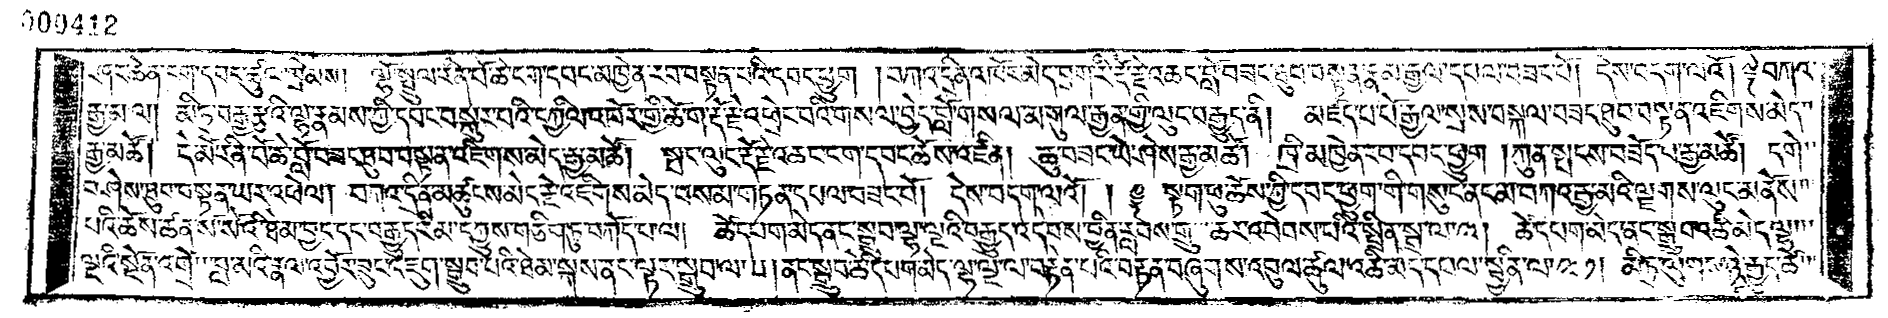ཤར་ཆེན་ངག་དབང་ཚུལ་ཁྲིམས། ལྷོ་སྤྲུལ་རིན་པོ་ཆེ་ངག་དབང་མཁྱེན་རབ་བསྟན་པའི་དབང་ཕྱུག །བཀའ་དྲིན་འཁོར་མེད་བྲག་རི་རྡོ་རྗེ་འཆང་བློ་བཟང་ཐུབ་བསྟན་རྣམ་རྒྱལ་དཔལ་བཟང་པོ། དེས་བདག་ལའོ། བཀའ་
རྒྱ་མ་ལ། མི་ཏྲ་བརྒྱ་རྩའི་ལྷ་རྣམས་ཀྱི་དབང་བསྐུར་བའི་དཀྱིལ་འཁོར་གྱི་ཆོ་ག་རྡོ་རྗེ་འཕྲེང་བའི་གསལ་བྱེད་བློ་གསལ་མགུལ་རྒྱན་གྱི་ལུང་བརྒྱུད་ནི། མཛད་པ་པོ་རྒྱལ་སྲས་བསྐལ་བཟང་ཐུབ་བསྟན་འཇིགས་མེད་
རྒྱ་མཚོ། དེ་མོ་རིན་པོ་ཆེ་བློ་བཟང་ཐུབ་བསྟན་འཇིགས་མེད་རྒྱ་མཚོ། སྤང་ལུང་རྡོ་རྗེ་འཆང་ངག་དབང་ཆོས་འཛིན། ཆུ་བཟང་ཡེ་ཤེས་རྒྱ་མཚོ། ཁྲི་མཁྱེན་ངག་དབང་ཕྱུག །ཀུན་སྤངས་བཟོད་པ་རྒྱ་མཚོ། དགེ་
བཤེས་ཐུབ་བསྟན་ཡར་འཕེལ། བཀའ་དྲིན་མཚུངས་མེད་རྗེ་འཇིགས་མེད་བསམ་གཏན་དཔལ་བཟང་པོ། དེས་བདག་ལའོ། །༈སྟག་ཕུ་ཆོས་ཀྱི་དབང་ཕྱུག་གི་གསུང་ནང་མ་བཀའ་རྒྱ་མའི་ལྷགས་ལུང་མནོས་
པའི་ཆོས་ཚན་སོ་སོའི་ཐེམ་བྱང་དང་བརྒྱུད་རིམ་དཀྱུས་གཅིག་ཏུ་བཀོད་པ་ལ། ཚེ་དཔག་མེད་ནང་སྒྲུབ་ལྷ་ལྔའི་བརྒྱུད་འདེབས་བྱིན་རླབས་གྲུ་ཆར་འབེབས་པའི་སྦྲིན་སྒྲ་ལ༣། ཚེ་དཔག་མེད་ནང་སྒྲུབ་འཆི་མེ་ལྷྲ་
ལྔའི་སྔོན་འགྲོ་བླ་མའི་རྣམ་འབྱིར་ཟུང་འཇུག་སྒྲུབ་པའི་ཐེམ་སྐས་ནང་ལྟར་སྒྲུབ་ལ ༥། ནང་སྒྲུབ་ཚེ་དཔག་མེད་ལྷ་ལྔ་ལ་བརྟེན་པའི་བརྟེན་བཞུགས་འབུལ་ཚུལ་འཆི་མེད་དཔལ་སྦྱིན་ལ༣༡། མི་ཏྲ་ལུགས་ཉེ་བརྒྱུད་ཚེ་